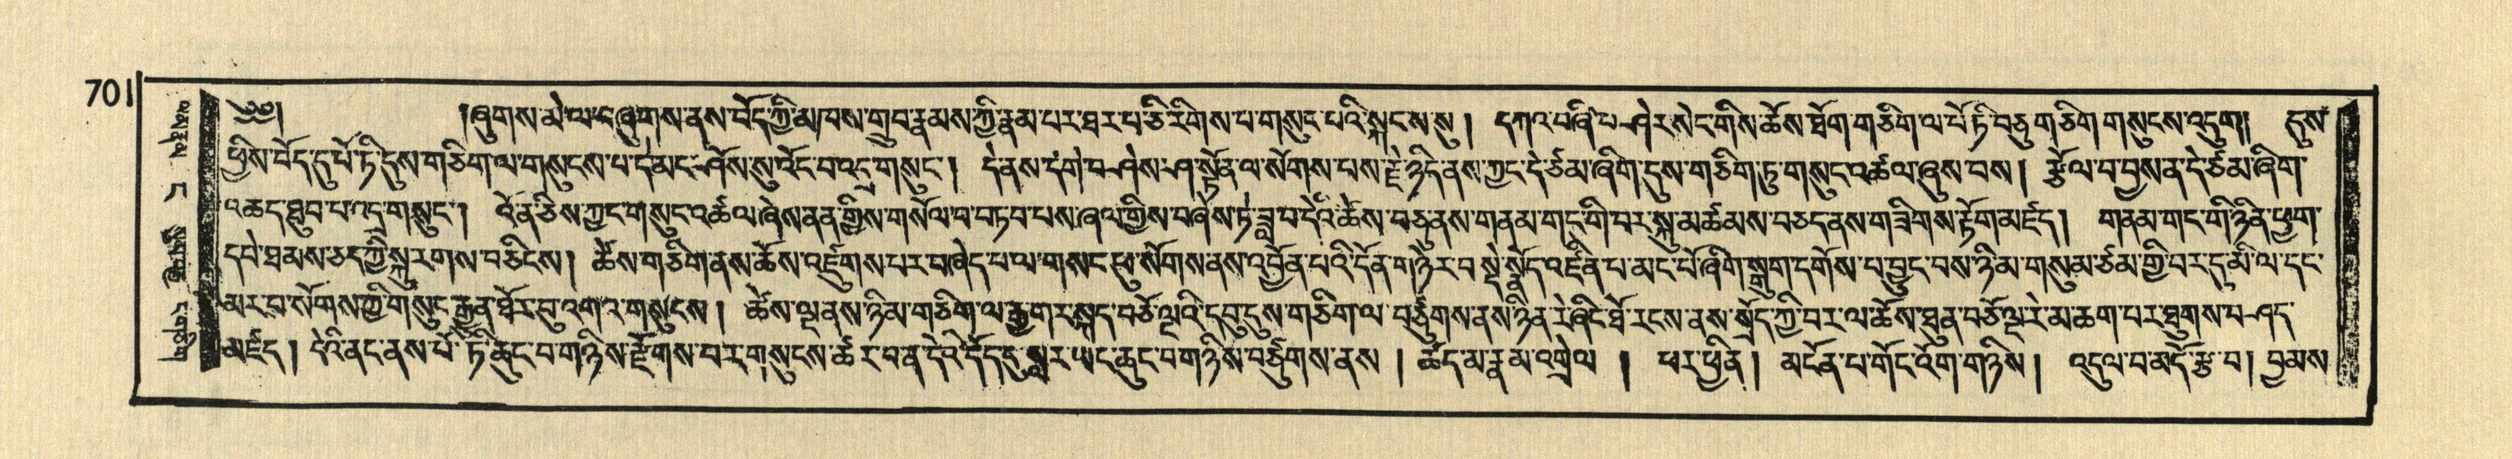༄༅། །ཞུགས་མེ་ལ་བཞུགས་ནས་བོད་ཀྱི་མཁས་གྲུབ་རྣམས་ཀྱི་རྣམ་པར་ཐར་པ་ཅི་རིགས་པ་གསུང་པའི་སྐབས་སུ། དཀའ་བཞི་པ་ཤེར་སེང་གིས་ཆོས་ཐོག་གཅིག་ལ་པོ་ཏི་བཅུ་གཅིག་གསུངས་འདུག། དུས་
ཕྱིས་བོད་དུ་པོ་ཏི་དུས་གཅིག་ལ་གསུངས་པ་དེ་མང་ཤོས་སུ་འོང་བ་འདྲ་གསུང་། དེ་ནས་དགེ་བཤེས་ཤ་སྟོན་ལ་སོགས་པས་རྗེ་ཉིད་ནས་ཀྱང་དེ་ཙམ་ཞིག་དུས་གཅིག་ཏུ་གསུང་འཚལ་ཞུས་བས། རྩོལ་བ་བྱས་ན་དེ་ཙམ་ཞིག་
འཆད་ཐུབ་པ་འདྲ་གསུང་། འོ་ན་ཅིས་ཀྱང་གསུང་འཚལ་ཞེས་ནན་གྱིས་གསོལ་བ་བཏབ་པས་ཞལ་གྱིས་བཞེས་ཏེ་ཟླ་བ་དེའི་ཚེས་བཅུ་ནས་གནམ་གང་གི་བར་སྐུ་མཚམས་བཅད་ནས་གཟིགས་རྟོག་མཛད། གནམ་གང་གི་ཉིན་ཕྱག་
དཔེ་ཐམས་ཅད་ཀྱི་སྐུ་རགས་བཅིངས། ཚེས་གཅིག་ནས་ཆོས་འཛུགས་པར་བཞེད་པ་ལ་གསང་ཕུ་སོགས་ནས་འབྱོན་པའི་དོན་གཉེར་བ་སྡེ་སྣོད་འཛིན་པ་མང་པོ་ཞིག་སྒུག་དགོས་པ་བྱུང་བས་ཉི་མ་གསུམ་ཙམ་གྱི་བར་དུ་མི་ལ་དང་
མར་བ་སོགས་ཀྱི་གསུང་རྒྱུན་ཐོར་བུ་འགའ་གསུངས། ཚེས་ལྔ་ནས་ཉི་མ་གཅིག་ལ་རྒྱ་གར་སྐད་བཅོ་ལྔའི་དབུ་དུས་གཅིག་ལ་བཙུགས་ནས་ཉིན་རེ་ཞིང་ཐོ་རངས་ནས་སྲོད་ཀྱི་བར་ལ་ཆོས་ཐུན་བཅོ་ལྔ་རེ་མ་ཆག་པར་ཐུགས་བཤད་
མཛད། དེའི་ནང་ནས་པོ་ཏི་ཆུང་བ་གཉིས་རྫོགས་བར་གསུངས་ཚར་བ་ན་དེའི་དོད་དུ་སླར་ཡང་ཆུང་བ་གཉིས་བཙུགས་ནས། ཚད་མ་རྣམ་འགྲེལ། ཕར་ཕྱིན། མངོན་པ་གོང་འོག་གཉིས། འདུལ་བ་མདོ་རྩ་བ། བྱམས་